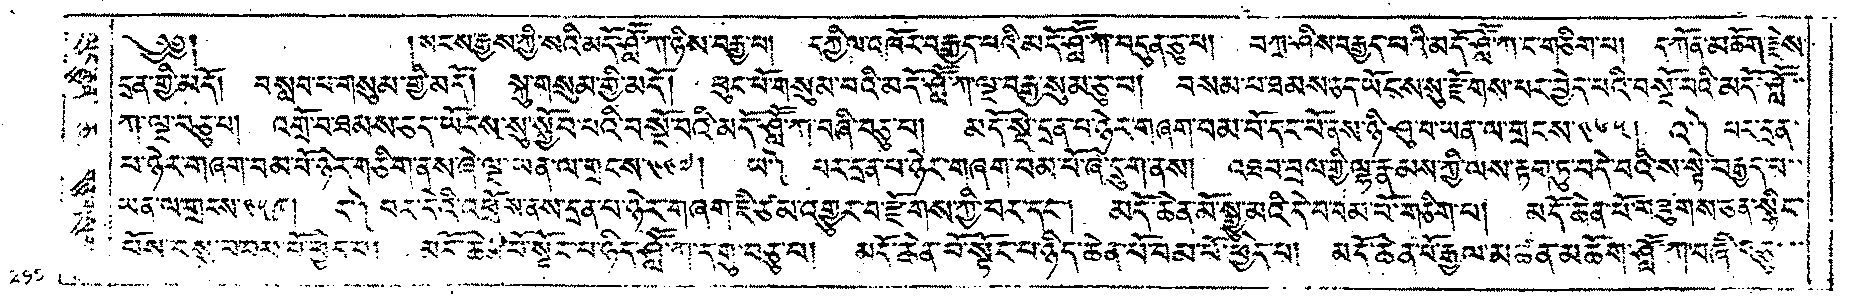༄༅། །སངས་རྒྱས་ཀྱི་སའི་མདོ་ཤླཽ་ཀ་ཉིས་བརྒྱ་པ། དཀྱིལ་འཁོར་བརྒྱད་པའི་མདོ་ཤླཽ་ཀ་བདུན་ཅུ་པ། བཀྲ་ཤིས་བརྒྱད་པའི་མདོ་ཤླཽ་ཀ་ང་གཅིག་པ། དཀོན་མཆོག་རྗེས་
དྲན་གྱི་མདོ། བསླབ་པ་གསུམ་གྱི་མདོ། སྐུ་གསུམ་གྱི་མདོ། ཕུང་པོ་གསུམ་པའི་མདོ་ཤླཽ་ཀ་ལྔ་བརྒྱ་སུམ་ཅུ་པ། བསམ་པ་ཐམས་ཅད་ཡོངས་སུ་རྫོགས་པར་བྱེད་པའི་བསྔོ་བའི་མདོ་ཤླཽ་
ཀ་ལྔ་བཅུ་པ། འགྲོ་བ་ཐམས་ཅད་ཡོངས་སུ་སྐྱོབ་པའི་བསྔོ་བའི་མདོ་ཤླཽ་ཀ་བཞི་བཅུ་པ། མདོ་སྡེ་དྲན་པ་ཉེར་གཞག་བམ་པོ་དང་པོ་ནས་ཉི་ཤུ་པ་ཡན་ལ་གྲངས ༤༦༥། འ྄་པར་དྲན་
པ་ཉེར་གཞག་བམ་པོ་ཉེར་གཅིག་ནས་ཞེ་ལྔ་ཡན་ལ་གྲངས ༤༤༧། ཡ྄་པར་དྲན་པ་ཉེར་གཞག་བམ་པོ་ཞེ་དྲུག་ནས། འཐབ་བྲལ་གྱི་ལྷ་རྣམས་ཀྱི་ལས་རྟག་ཏུ་བདེ་བའི་ས་སྟེ་བརྒྱད་པ་
ཡན་ལ་གྲངས ༤༥༩། ར྄་པར་དེའི་འཕྲོས་ནས་དྲན་པ་ཉེར་གཞག་ཇི་ཙམ་འགྱུར་བ་རྫོགས་ཀྱི་བར་དང་། མདོ་ཆེན་མོ་སྒྱུ་མའི་དེབ་བམ་པོ་གཅིག་པ། མདོ་ཆེན་པོ་གཟུགས་ཅན་སྙིང་
པོས་བསུ་བ་བམ་པོ་ཕྱེད་པ། མདོ་ཆེན་པོ་སྟོང་པ་ཉིད་ཤླཽ་ཀ་དགུ་བཅུ་པ། མདོ་ཆེན་པོ་སྟོང་པ་ཉིད་ཆེན་པོ་བམ་པོ་ཕྱེད་པ། མདོ་ཆེན་པོ་རྒྱལ་མཚན་མཆོག་ཤླཽ་ཀ་བཞི་བཅུ་